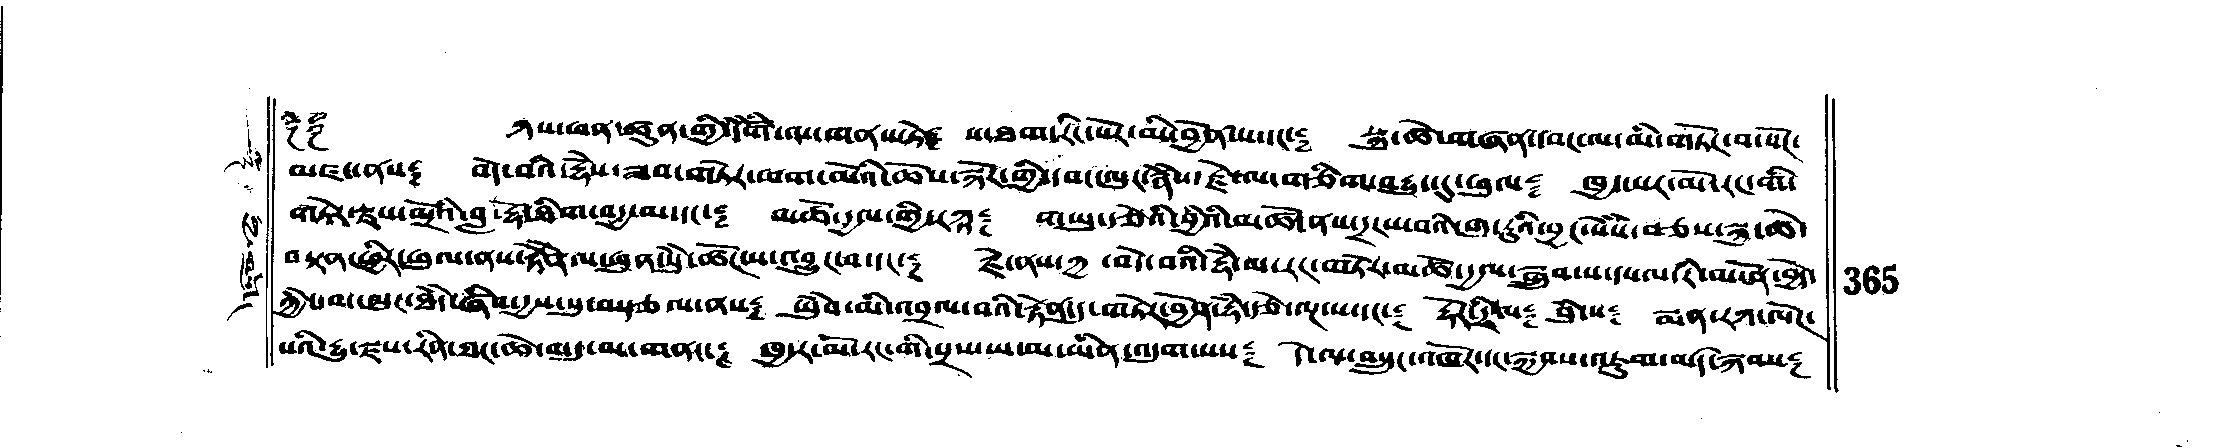གཉིས་ཕན་ཚུན་གྱི་དམ་ཚིག་ལ་གནས་ཏེ། ས་ཐག་རིང་པོར་མི་བྱོན་པ་དང་། སྐུ་ཚེ་གཞན་དབང་ལ་མི་གཏོང་བ་སོགས་
མཛད་ནས། བདེ་བའི་རྡོ་རྗེས་ཟབ་གཏེར་ཕག་མོའི་ཆོས་སྐོར་གྱི་དབང་ལུང་རྣམས་རྗེ་ལ་གཅིག་བརྒྱུད་དུ་ཕུལ། ཁྱད་པར་མོ་རང་གི་
གཏེར་རྫས་མཁའ་འགྲོའི་བླ་རྡོ་ཐིག་བརྒྱ་མ་དང་། མཚོ་རྒྱལ་གྱི་རཀྟ། གཡུ་རྩེའི་བྱེའི་མཚོ་ནས་དྲངས་པའི་གུ་རུའི་བྱང་སེམས་བཅས་སྐུ་ཚེ་
བསྟན་ཕྱིར་ཕུལ་ནས་རྟེན་འབྲེལ་ཕུན་སུམ་ཚོགས་པ་འབྱུང་བ་དང་། རྗེ་ནས་ཀྱང་བདེ་བའི་རྡོ་རྗེ་ལ་རང་གཏེར་མཚོ་རྒྱལ་སྒྲུབ་པ་དཔལ་རི་མངོན་བྱེད་
ཀྱི་དབང་ལུང་ཐམས་ཅད་ཞིབ་རྒྱས་སུ་བསྩལ་ནས།ཡབ་ཡུམ་མི་འབྲལ་བའི་རྟེན་དུ་གཏེར་བྱོན་རྡོ་རྗེ་རྩེ་ལྔ་པ་དང་། རྡོར་དྲིལ། བུམ་པ། སྨན་རཀ་ལ་སོགས་
པའི་རྒྱུ་རྫས་རིན་ཐང་ཆེ་བ་དུ་མ་གནང་། ཁྱད་པར་མོ་རང་གི་སྲས་ཡ་མ་ཡིན་འདུག་པས། དེ་ལ་བསྲུང་འཁོར་དང་སྐྱབས་འཇུག་མཛད་སྐབས།